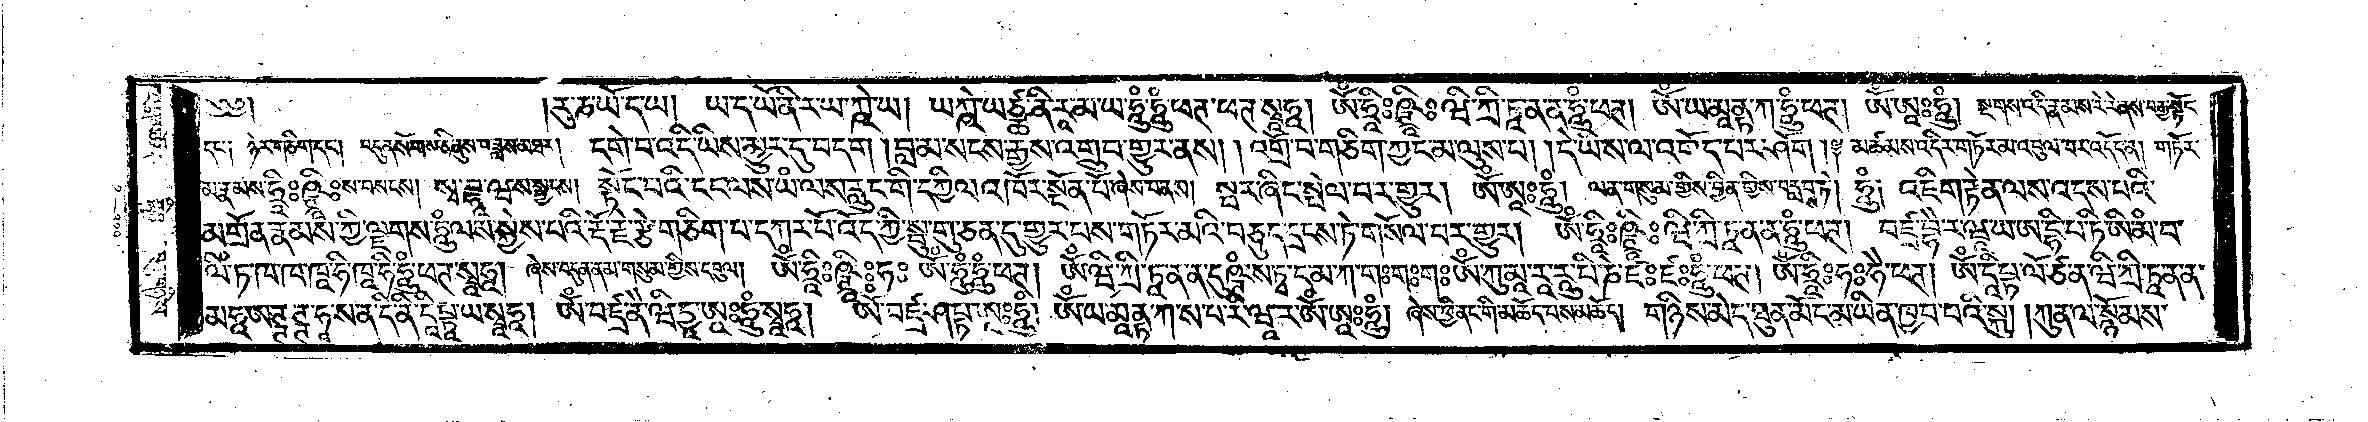༄༅། །རུ་ཎ་ཡོ་ད་ཡ། ཡ་ད་ཡོ་ནི་ར་ཡ་ཀྵེ་ཡ། ཡཀྵེ་ཡཙྪ་ནི་རཱ་མ་ཡ་ཧཱུཾ་ཧཱུཾ་ཕཊ་ཕཊ་སྭཱཧཱ། ཨོཾ་ཧྲཱིཿཥྚྲཱིཿཝི་ཀྲི་ཏཱ་ན་ན་ཧཱུཾ་ཕཊ། ཨོཾ་ཡ་མཱནྟ་ཀ་ཧཱུཾ་ཕཊ། ཨོཾ་ཨཱཿཧཱུཾ། སྔགས་འདི་རྣམས་རེ་རེ་ནས་བརྒྱ་སྟོང་
དང༑ ཉེར་གཅིག་དང་། བདུན་སོགས་ཅི་ནུས་བཟླས་མཐར། དགེ་བ་འདི་ཡིས་མྱུར་དུ་བདག །བླ་མ་སངས་རྒྱས་འགྲུབ་གྱུར་ནས། །འགྲོ་བ་གཅིག་ཀྱང་མ་ལུས་པ། །དེ་ཡི་ས་ལ་འགོད་པར་ཤོག །༈ མཚམས་འདིར་གཏོར་མ་འབུལ་བར་འདོད་ན། གཏོར་
མ་རྣམས་ཧྲཱིཿཥྚྲཱིཿ ས་བསངས།  སྭ་བྷཱ་ཝ་ས་སྦྱངས། སྟོང་པའི་ངང་ལས་ཡཾ་ལས་རླུང་གི་དཀྱིལ་འཁོར་སྔོན་པོ་ཞེས་པ་ནས།  སྦར་ཞིང་སྤེལ་བར་གྱུར། ཨོཾ་ཨཱཿཧཱུཾ། ལན་གསུམ་གྱིས་བྱིན་གྱིས་བརླབས་ཏེ།  ཧཱུཾ༑ འཇིག་རྟེན་ལས་འདས་པའི་
མགྲོན་རྣམས་ཀྱི་ལྗགས་ཧཱུཾ་ལས་སྐྱེས་པའི་རྡོ་རྗེ་རྩེ་གཅིག་པ་དཀར་པོ་འོད་ཀྱི་སྦུ་གུ་ཅན་དུ་གྱུར་པས་གཏོར་མའི་བཅུད་དྲངས་ཏེ་གསོལ་བར་གྱུར། ཨོཾ་ཧྲཱིཿཥྚྲཱིཿཝི་ཀྲི་ཏཱ་ན་ན་ཧཱུཾ་ཕཊ། བཛྲ་བྷཻ་ར་ཝཱ་ཡ་ཨ་དྷི་པ་ཏི་ཨི་མཾ་བ་
ལིཾ་ཏ་ཁ་ཁ་ཁཱ་ཧི་ཁཱ་ཧི་ཧཱུཾ་ཕཊ་སྭཱཧཱ། ཞེས་བདུན་ནམ་གསུམ་གྱིས་དབུལ།  ཨོཾ་ཧྲཱིཿཥྚྲཱིཿཧཿཨོཾ་ཧཱུཾ་ཕཊ། ཨོཾ་ཝི་ཀྲི་ཏཱ་ན་ན་དུཥྚཾ་སཏྭ་ད་མ་ཀ་གཿགཿགཿཨོཾ་ཀུ་མཱ་རཱ་རཱུ་པི་ཎེ་ཛཿཛཿཧཱུཾ་ཕཊ། ཨོཾ་ཧྲཱིཿཧཿཧཻ་ཕཊ། ཨོཾ་དཱིཔྟ་ལོ་ཙ་ན་ཝི་ཀྲི་ཏཱ་ན་ན་
མཧཱ་ཨཊྚ་ཊྚ་ཧཱ་ས་ན་དེ་ནི་དཱི་པྟཱ་ཡ་སྭཱཧཱ། ཨོཾ་བཛྲ་ནཻ་ཝིདྱཱ་ཨཱཿཧཱུཾ་སྭཱ་ཧཱ། ཨོཾ་བཛྲ་ཤཔྟ་ཨཱཿཧཱུཾ། ཨོཾ་ཡ་མཱནྟ་ཀ་ས་པ་རི་ཝཱ་ར་ཨོཾ་ཨཱཿཧཱུཾ། ཞེས་ཕྱི་ནང་གི་མཆོད་པས་མཆོད།  གཉིས་མེད་ཐུན་མོང་མ་ཡིན་ཁྱབ་པའི་སྐུ། །ཀུན་ལ་སྙོམས་